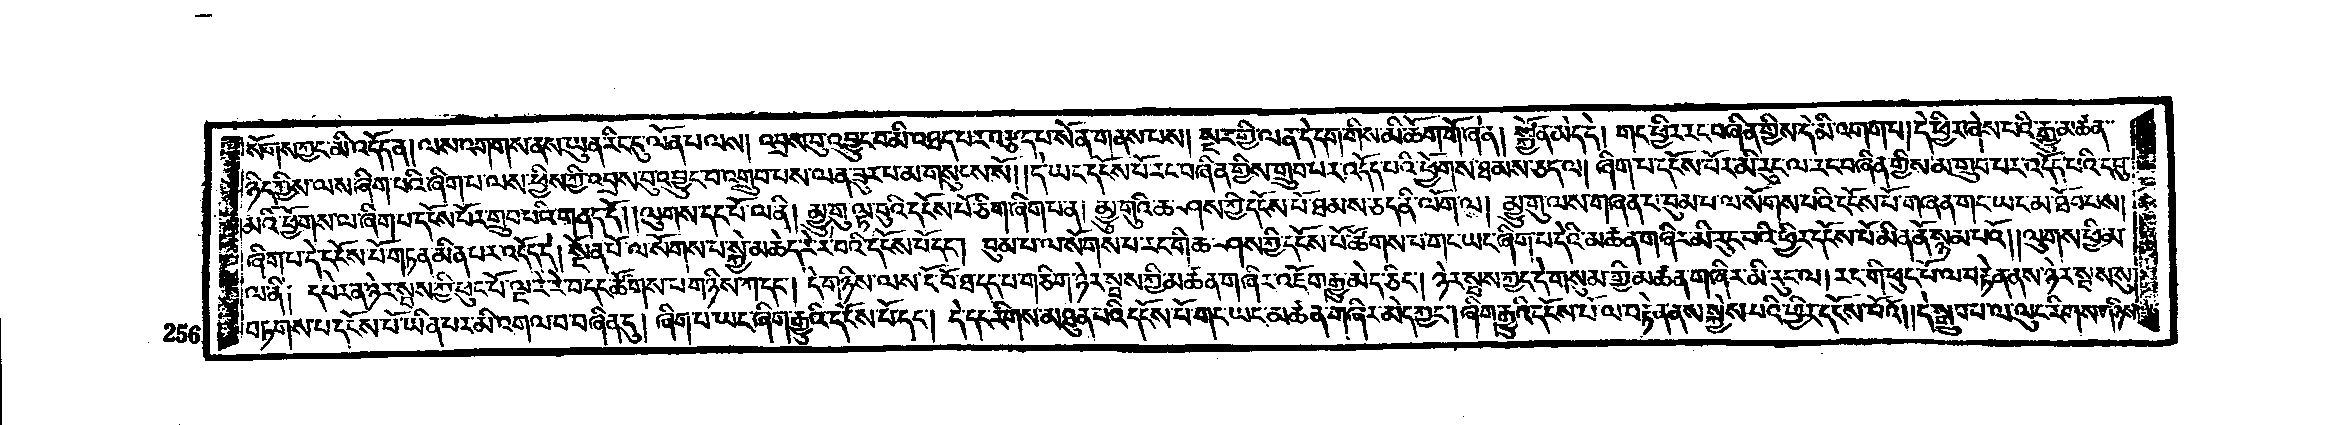སོགས་ཀྱང་མི་འདོད་ན། ལས་འགགས་ནས་ཡུན་རིང་དུ་ལོན་པ་ལས། འབྲས་བུ་འབྱུང་བ་མི་འཐད་པར་བརྩད་པ་སོན་གནས་པས། སྔར་གྱི་ལན་དེ་དག་གིས་མི་ཆོག་གོ་ཞེ་ན། སྐྱོན་མེད་དེ། གང་ཕྱིར་རང་བཞིན་གྱིས་དེ་མི་འགག་པ། དེ་ཕྱིར་ཞེས་པའི་རྒྱུ་མཚན་
ཉིད་ཀྱིས་ལས་ཞིག་པའི་ཞིག་པ་ལས་ཕྱིས་ཀྱི་འབྲས་བུ་འབྱུང་བ་འགྲུབ་པས་ལན་ཟུར་པ་མ་གསུངས་སོ། །དེ་ཡང་དངོས་པོ་རང་བཞིན་གྱིས་གྲུབ་པར་འདོད་པའི་ཕྱོགས་ཐམས་ཅད་ལ། ཞིག་པ་དངོས་པོར་མི་རུང་ལ་རང་བཞིན་གྱིས་མ་གྲུབ་པར་འདོད་པའི་དབུ་
མའི་ཕྱོགས་ལ་ཞིག་པ་དངོས་པོར་གྲུབ་པའི་གནད་དོ། །ལུགས་དང་པོ་ལ་ནི། མྱུ་གུ་ལྟ་བུའི་དངོས་པོ་ཅིག་ཞིག་པ་ན། མྱུ་གུའི་ཆ་ཤས་ཀྱི་དངོས་པོ་ཐམས་ཅད་ནི་ལོག་ལ། མྱུ་གུ་ལས་གཞན་པ་བུམ་པ་ལ་སོགས་པའི་དངོས་པོ་གཞན་གང་ཡང་མ་ཐོབ་པས།
ཞིག་པ་དེ་དངོས་པོ་གཏན་མིན་པར་འདོད་དེ། སྔོན་པོ་ལ་སོགས་པ་སྐྱེ་མཆེད་རེ་རེ་བའི་དངོས་པོ་དང་། བུམ་པ་ལ་སོགས་པ་རང་གི་ཆ་ཤས་ཀྱི་དངོས་པོ་ཚོགས་པ་གང་ཡང་ཞིག་པ་དེའི་མཚན་གཞིར་མི་རུང་བའི་ཕྱིར་དངོས་པོ་མིན་ནོ་སྙམ་པའོ། །ལུགས་ཕྱི་མ་
ལ་ནི། དཔེར་ན་ཉེར་སྦས་ཀྱི་ཕུང་པོ་ལྔ་རེ་རེ་བ་དང་ཚོགས་པ་གཉིས་ཀ་དང་། དེ་གཉིས་ལས་ངོ་བོ་ཐ་དད་པ་གཅིག་ཉེར་སྦས་ཀྱི་མཚན་གཞིར་འཇོག་རྒྱུ་མེད་ཅིང་། ཉེར་སྦས་ཀྱང་དེ་གསུམ་གྱི་མཚན་གཞིར་མི་རུང་ལ། རང་གི་ཕུང་པོ་ལ་བརྟེན་ནས་ཉེར་སྦས་སུ་
བཏགས་པ་དངོས་པོ་ཡིན་པར་མི་འགལ་བ་བཞིན་དུ། ཞིག་པ་ཡང་ཞིག་རྒྱུའི་དངོས་པོ་དང་། དེ་དང་རིགས་མཐུན་པའི་དངོས་པོ་གང་ཡང་མཚན་གཞིར་མེད་ཀྱང་། ཞིག་རྒྱུའི་དངོས་པོ་ལ་བརྟེན་ནས་སྐྱེས་པའི་ཕྱིར་དངོས་པོའོ། །དེ་སྒྲུབ་པ་ལ་ལུང་རིགས་གཉིས་